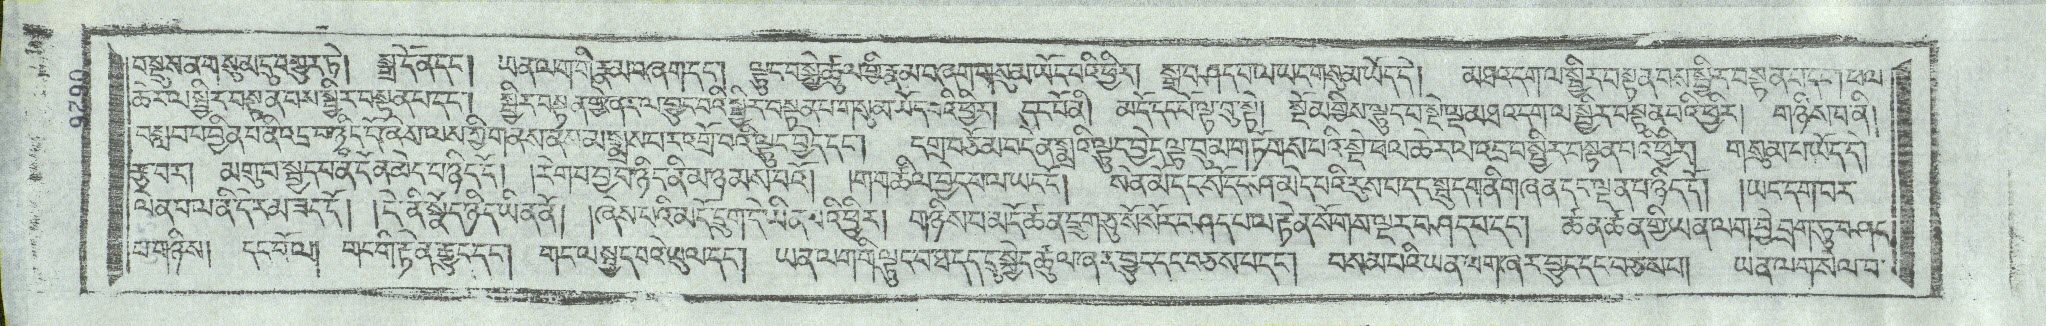བསྡུས་ན་གསུམ་དུ་འགྱུར་ཏེ། སྒྲ་དོན་དང་། ཡན་ལག་གི་རྣམ་བཞག་དང་། ལྟུང་བ་སྐྱེ་ཚུལ་གྱི་རྣམ་བཞག་གསུམ་ཡོད་པའི་ཕྱིར། སྒྲ་བཤད་པ་ལ་ཡང་གསུམ་ཡོད་དེ། མཐའ་དག་ལ་སྤྱིར་བསྟན་པས་སྤྱིར་བསྟན་པ་དང་། ཕལ་
ཆེར་ལ་སྤྱིར་བསྟན་པས་སྤྱིར་བསྟན་པ་དང་། སྤྱིར་བསྟན་གྱི་ཞར་ལ་བྱུང་བའི་སྤྱིར་བསྟན་པ་གསུམ་ཡོད་པའི་ཕྱིར། དང་པོ་ནི། མདོ་དང་པོ་ལྟ་བུ་སྟེ། སྡོམ་གྱིས་ལྟུང་བ་སྡེ་ལྔ་མཐའ་དག་ལ་སྤྱིར་བསྟན་པའི་ཕྱིར། གཉིས་པ་ནི།
བསླབ་པ་བྱིན་པ་ནི་འདྲ་བ་ཉིད་དོ་ཞེས་ལས་ཀྱི་གནས་ནས་མ་སྨྲས་པར་འགྲོ་བའི་ལྟུང་བྱེད་དང་། དགྲ་བཅོམ་བདེན་སྨྲའི་ལྟུང་བྱེད་ལྟ་བུ་མ་གཏོགས་པའི་སྡེ་ཕལ་ཆེར་ལ་འདྲ་བ་སྤྱིར་བསྟན་པའི་ཕྱིར། གསུམ་པ་ཡོད་དེ།
རྩ་བར། མགུ་བ་སྤྱད་པ་ནི་དོན་མེད་པ་ཉིད་དོ། །རེག་པ་བྱ་བ་ཉིད་ནི་མ་ཉམས་པའོ། །གག་ཚིལ་བྱེད་པ་ལ་ཡང་ངོ། སེན་མོ་དང་སོ་དང་ཤ་མེད་པའི་རུས་པ་དང་སྤུ་དག་ནི་གཞན་དང་ལྡན་པ་ཉིད་དོ། །ཡང་དག་པར་
ལེན་པ་ལ་ནི་དེར་མ་ཟད་དོ། །དེ་ནི་སྣོད་ཉིད་ཡིན་ནོ། །ཞེས་པའི་མདོ་དྲུག་དེ་ཡིན་པའི་ཕྱིར། གཉིས་པ་མདོ་ཚན་དྲུག་ཅུ་སོ་སོར་བཤད་པ་ལ་རྟེན་སོགས་ལྔར་བཤད་པ་དང་། ཚན་ཚན་གྱི་ཡན་ལག་བྱེ་བྲག་ཏུ་བཤད་
པ་གཉིས། དང་པོ་ལ། གང་གི་རྟེན་རྒྱུད་དང་། གང་ལ་སྤྱད་པའི་ཡུལ་དང་། ཡན་ལག་གི་ལྟུང་བ་ཐ་དད་དུ་སྐྱེད་ཚུལ་ཞར་བྱུང་དང་བཅས་པ་དང་། བསམ་པའི་ཡན་ལག་ཞར་བྱུང་དང་བཅས་པ། ཡན་ལག་སེལ་བ་